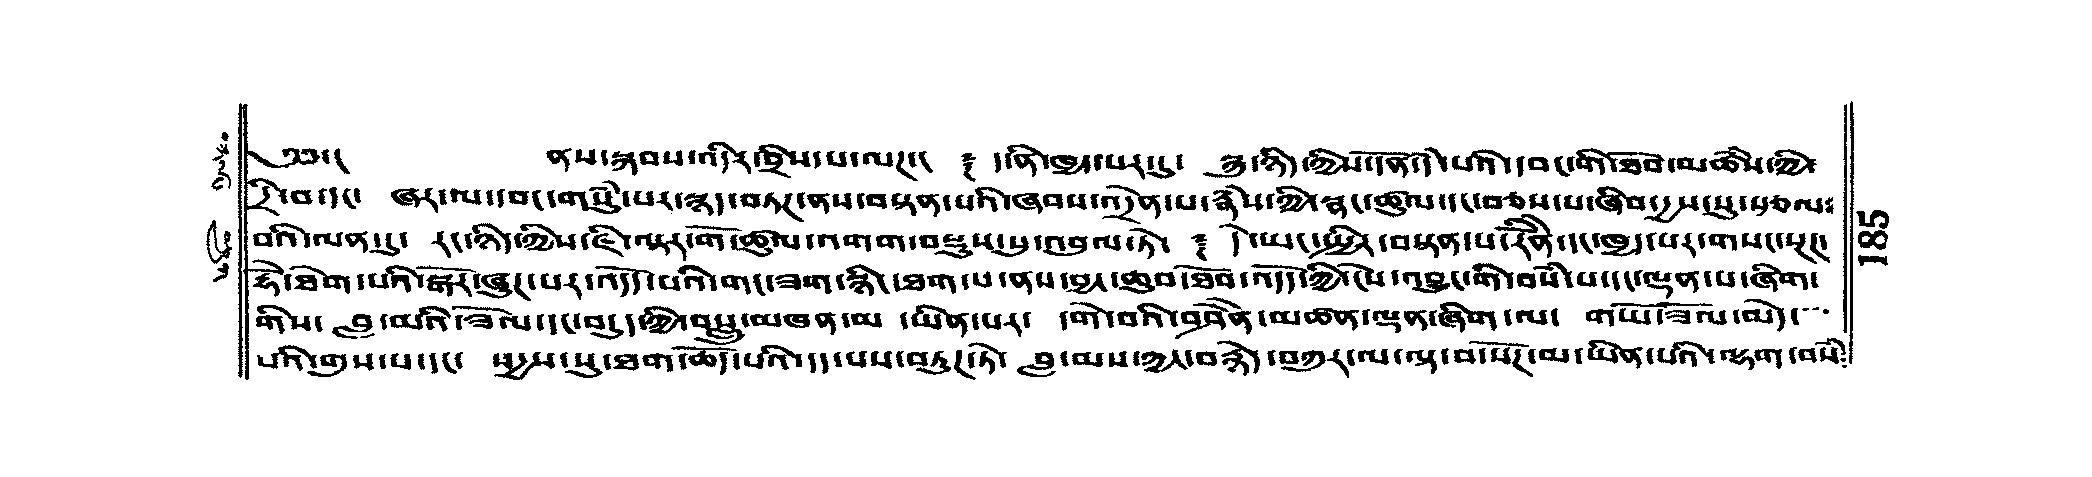ནས་སྐབས་འདིར་བྲིས་པ་ལགས། ད་ནི་ཁྱད་པར་དུ། སྐུ་ཉིད་ཀྱི་དོན་དམ་པའི་དབང་གི་ཐོབ་མཚམས་ཀྱི་
དྲི་བ་དང་། ཞར་ལ་དབང་གསུམ་པར་སྙད་བཏགས་ནས་བསྟན་པའི་ཞབས་འདྲེན་པ་རྣམས་ཀྱི་སྣང་ཚུལ་དང་བཅས་པ་ཞིབ་རྒྱས་སུ་བསྩལ་
བའི་ལན་དུ། རང་ཉིད་ཀྱིས་ཇི་ལྟར་གོ་ཚུལ་འགག་བསྡུས་སུ་འབུལ་ཏེ། དེ་ཡང་སྤྱིར་བསྟན་པ་རིན་པོ་ཆེ་དང་ཁྱད་པར་གསང་སྔགས་
རྡོ་རྗེ་ཐེག་པའི་སྒོར་ཞུགས་པར་འདོད་པའི་གང་ཟག་སྙིང་ཐག་པ་ནས་བྱང་ཆུབ་ཐོབ་འདོད་ཀྱི་ངེས་འབྱུང་གི་བསམ་པ་དང་ལྡན་པ་ཞིག་
གིས། བླ་མའི་ཟོལ་དང་བདུད་ཀྱི་བསླུ་མཁན་མ་ཡིན་པར། དགེ་བའི་བཤེས་གཉེན་མཚན་ལྡན་ཞིག་ལ། གཡོ་ཟོལ་མེད་
པའི་གུས་པ་དང་། སངས་རྒྱས་སུ་ཐག་ཆོད་པའི་དད་པས་བཏུགས་ཏེ། བླ་མས་ཀྱང་བརྙེད་བཀུར་ལ་ལྟ་བ་སོགས་མ་ཡིན་པའི་ལྷག་བསམ་